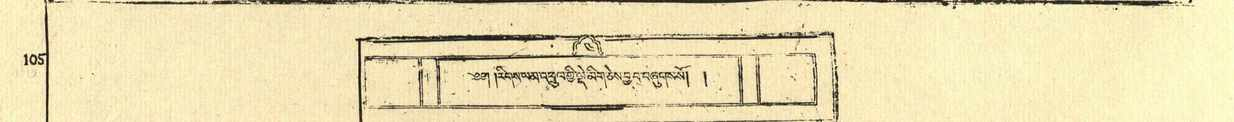།། ༄༅། །རིགས་ལམ་འཕྲུལ་གྱི་ལྡེ་མིག་ཅེས་བྱ་བ་བཞུགས་སོ། །